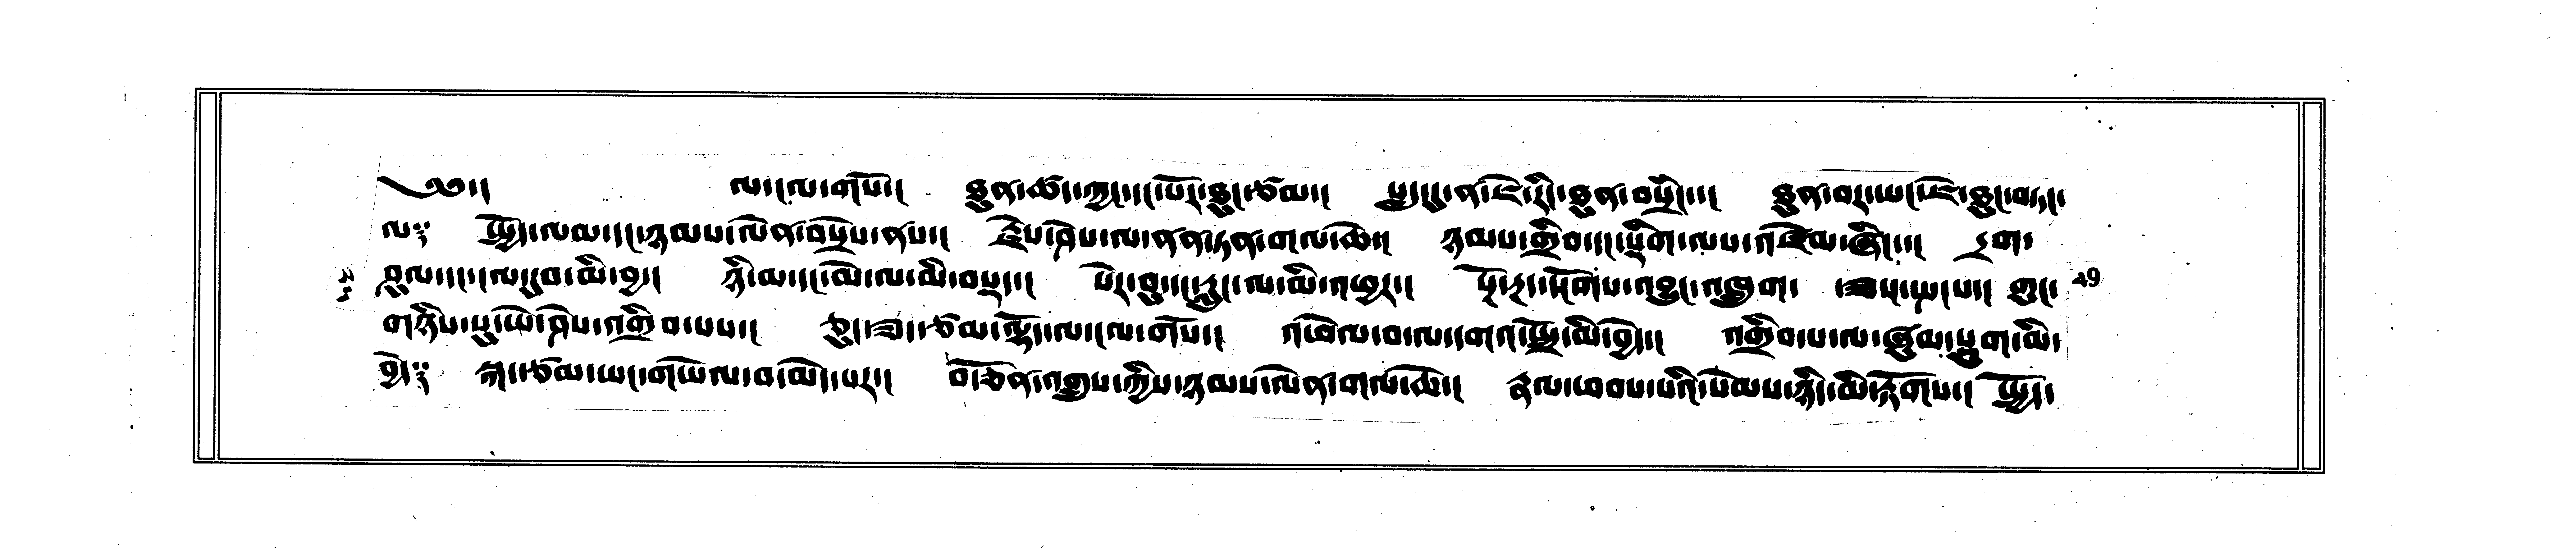ལ་ངལ་གསོ། །ཐུན་ཚད་ཀྱང་དང་པོར་ཉུང་ཙམ། །སླད་དུ་ན་ཇེ་རིང་ཐུན་བསྲིང་། །ཐུན་བར་ཡང་ཇེ་ཐུང་བཏང་
ལ། །སྤྱོད་ལམ་དང་ཉམས་ལེན་བསྲེས་ནས། །རྗེས་ཤེས་ལ་ནན་ཏན་གལ་ཆེ། །ཉམས་གྲིབ་དང་སྡིག་ལས་འཛེམ་ཞིང་། །དྲག་
ཤུལ་དང་ངལ་དུབ་མི་བྱ། །ཉི་མ་དང་མེ་ལ་མི་བསྡད། །སེར་བུ་དང་རླུང་ལ་མི་འཕྱར། །སྔོ་རྔད་སོགས་འབྱུང་འཁྲུག་ཟས་སྤངས། །གུང་
གཉིས་སུ་ཡེ་ཤེས་འགྲིབ་པས། །ཅུང་ཟད་ཙམ་ལྷོད་ལ་ངལ་བསོ། །འཕེལ་བ་ལ་དགའ་སྤྲོ་མི་བྱེད། །འགྲིབ་པ་ལ་ཞུམ་སྡུག་མི་
བྱེད། །སྐད་ཙམ་ཡང་གཡེལ་བ་མེད་པར། །བརྩོན་འགྲུས་ཀྱིa་ཉམས་ལེན་གལ་ཆེ། །རྣལ་ཕབས་པའི་སེམས་ཉིད་མི་རྟོགས། །སྤྱོད་